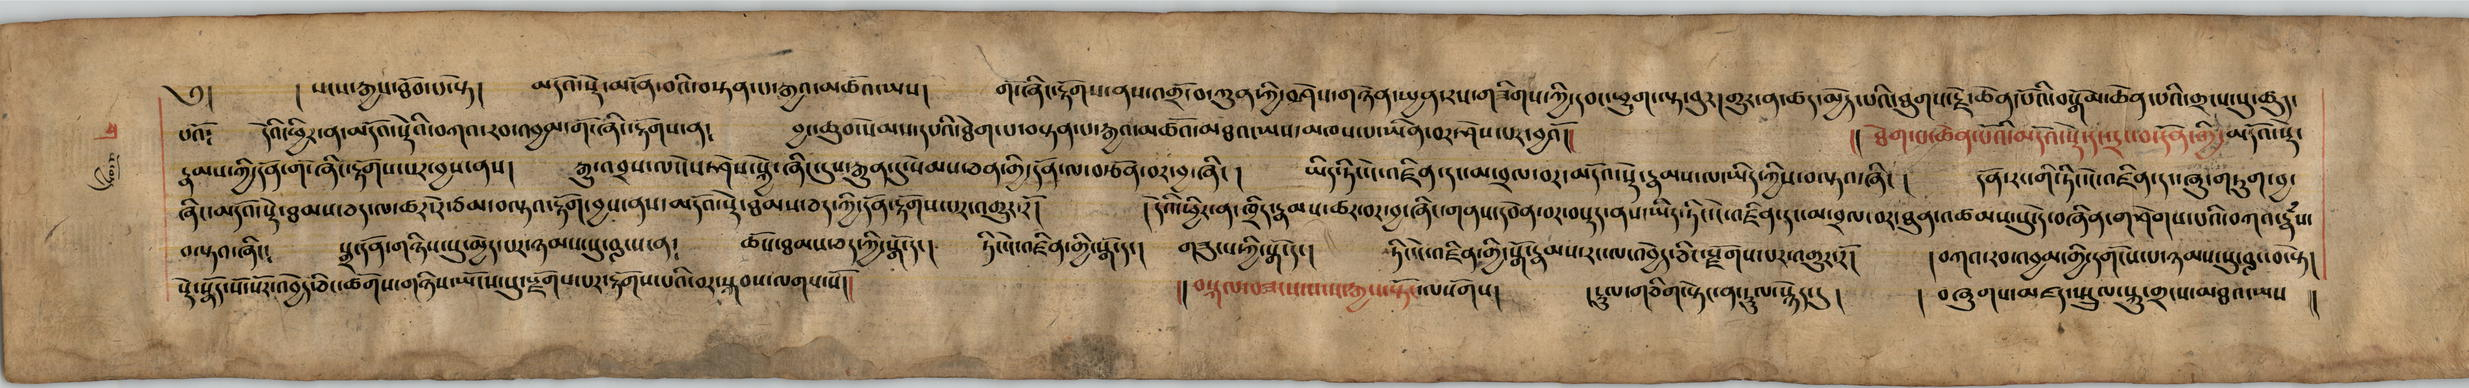༅། ། སངས་རྒྱས་ཐོབ་པ་སྟེ། མདོའ་སྡེ་མངོན་བའི་བསྟན་པ་རྒྱའ་མཚོའ་ཡས། གོ་ཞིང་རྟོགས་ནས་འགྲོ་བ་ཀུན་ཀྱི་བཤེས་གཉེན་སྤྱན་རས་གཟིགས་ཀྱི་དབང་ཕྱུག་ལྟ་བུར་གྱུར་ན་ཚད་མྱེད་པའི་ཐུགས་རྗེ་ཆེན་པོའི་བསྒོམ་ཆེན་པའི་གྲངས་སུ་ཚུད་
པའོ༴ དེའི་ཕྱིར་ན་མདོའ་སྡེའི་བཀའ་རབ་འབྱམ་གོ་ཞིང་རྟོགས་ན༴ བྱང་ཆུབ་སེམས་དཔའི་ཐེག་པ་བསྟན་པ་རྒྱའ་མཚོའ་མཐའ་ཡས་མཁས་པ་ཡིན་བར་ཤེས་པར་བྱའོ།། །། ཐེག་པ་ཆེན་པོའི་མདོའ་སྡེ་དང་དྲང་བ་དོན་གྱི་མདོའ་སྡེ་
རྣམས་ཀྱི་དོན་གོ་ཞིང་རྟོགས་པར་བྱས་ནས། རྒྱུ་འབྲས་ལ་ངེས་ཤེས་སྐྱེ་ཞིང་དུས་རྒྱུན་དུ་སེམས་ཅན་གྱི་དོན་ལ་བརྩོན་བར་བྱ་ཞིང། ཡིད་ཏེང་ངེ་འཛིན་དང་མ་བྲལ་བར་མདོའ་སྡེ་རྣམས་ལ་ཡིད་ཀྱིས་བལྟའ་ཞིང། དོན་རང་གི་ཏིང་ངེ་འཛིན་དང་ཞུ་གཏུག་བྱ་
ཞིང་མདོའ་སྡེ་ཐམས་ཅད་ལ་ཚར་རེ་ཙམ་བལྟའ་རྟོག་བྱས་ནས་མདོའ་སྡེ་ཐམས་ཅད་ཀྱི་དོན་རྟོགས་པར་འགྱུར་རོ། །དེའི་ཕྱིར་ན་ཁྲིད་རྣམས་ཚར་བར་བྱ་ཞིང་གནས་དབེན་བར་བསྡད་ནས་ཡིད་ཏིང་ངེ་འཛིན་དང་མ་བྲལ་བར་ཐུན་འཚམས་སུ་དེ་བཞིན་གཤེགས་པའི་བཀའ་རྣཾས་
བལྟའ་ཞིང། སྒྲ་དོན་གཉིས་སུ་མྱེད་པར་ཉམས་སུ་བླངས་ན༴ ཆོས་ཐམས་ཅད་ཀྱི་སྒོ་དང། ཏིང་ངེ་འཛིན་གྱི་སྒོ་དང། ཏངི་ངེ་འཛིན་གྱི་སྒོ་རྣམས་རང་ལ་འབྱེད་ཅིང་སྫོགས་པར་གྱུར་རོ། །བཀའ་རབ་འབྱམ་གྱི་དགོངས་པ་ཉམས་སུ་བླང་བ་སྟེ།
སྡེ་སྣོད་སོ་སོར་འབྱེད་ཅིང་ཚོགས་གཉིས་ཡོངས་སུ་སྫོགས་པར་རྟོགས་པའི་སྐབས་ལགས་སོ།། །།བསྐལ་བཟང་སངསང་རྒྱས་སྟོང་ལསོགས། །རྡུལ་གཅིག་སྟེང་ན་རྡུལ་སྙེད་དུ། ། བཞུགས་མཛད་སྤྲུལ་སྐུ་གྲངས་མཐའ་ཡས །།